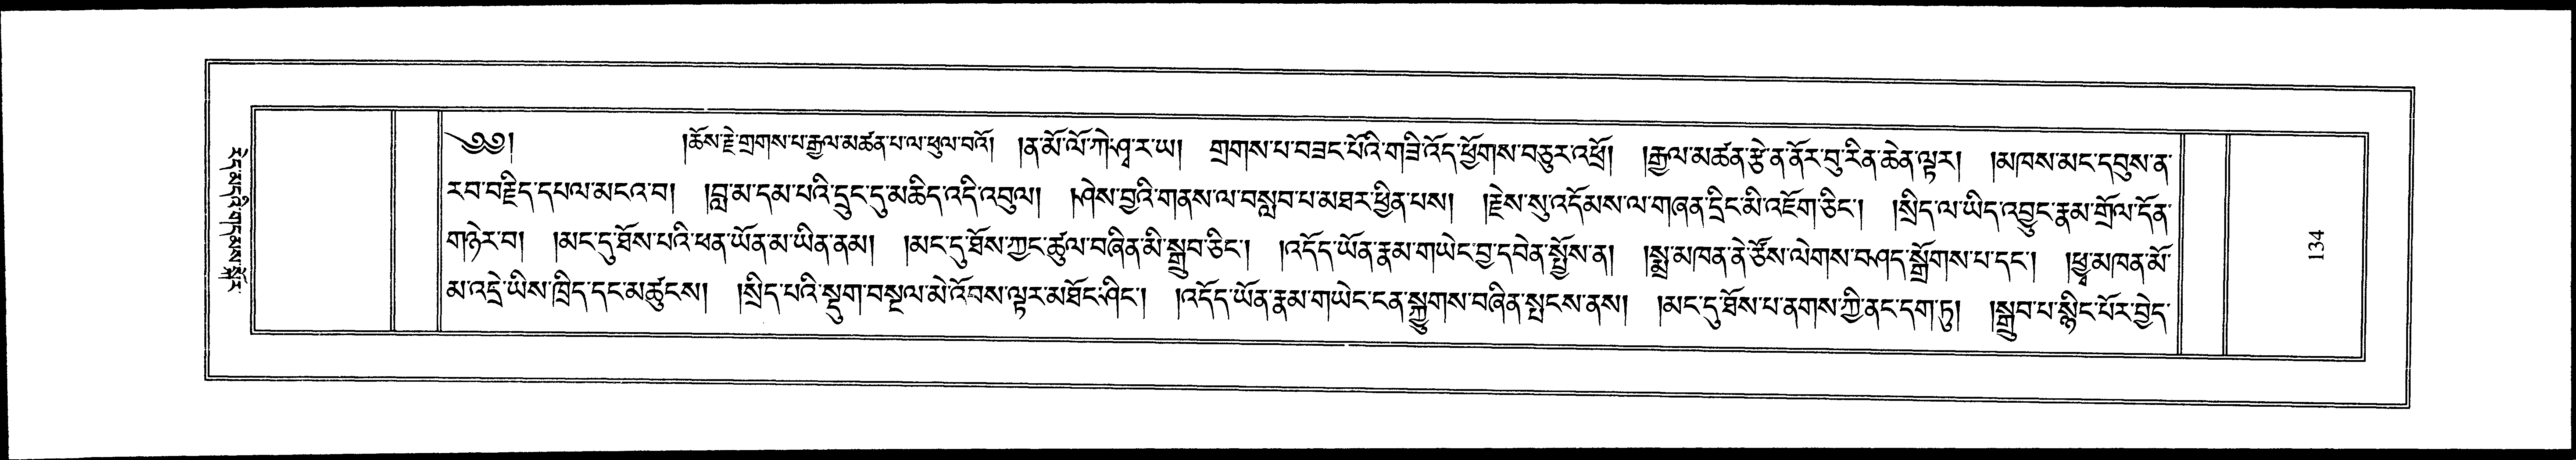༄༅། །ཆོས་རྗེ་གྲགས་པ་རྒྱལ་མཚན་པ་ལ་ཕུལ་བའོ། །ན་མོ་ལོ་ཀེ་ཤྭ་ར་ཡ། །གྲགས་པ་བཟང་པོའི་གཟི་འོད་ཕྱོགས་བཅུར་འཕྲོ། །རྒྱལ་མཚན་རྩེ་ན་ནོར་བུ་རིན་ཆེན་ལྟར། །མཁས་མང་དབུས་ན་
རབ་བརྗིད་དཔལ་མངའ་བ། །བླ་མ་དམ་པའི་དྲུང་དུ་མཆིད་འདི་འབུལ། །ཤེས་བྱའི་གནས་ལ་བསླབ་པ་མཐར་ཕྱིན་པས། །རྗེས་སུ་འདོམས་ལ་གཞན་དྲིང་མི་འཇོག་ཅིང་། །སྲིད་ལ་ཡིད་འབྱུང་རྣམ་གྲོལ་དོན་
གཉེར་བ། །མང་དུ་ཐོས་པའི་ཕན་ཡོན་མ་ཡིན་ནམ། །མང་དུ་ཐོས་ཀྱང་ཚུལ་བཞིན་མི་སྒྲུབ་ཅིང་། །འདོད་ཡོན་རྣམ་གཡེང་བྱ་དབེན་སྤྱོས་ན། །སྨྲ་མཁན་ནེ་ཙོས་ལེགས་བཤད་སྒྲོགས་པ་དང་། །ཕྱྭ་མཁན་མོ་
མ་འདྲེ་ཡིས་ཁྲིད་དང་མཚུངས། །སྲིད་པའི་སྡུག་བསྔལ་མེ་འོབས་ལྟར་མཐོང་ཤིང་། །འདོད་ཡོན་རྣམ་གཡེང་ངན་སྐྱུགས་བཞིན་སྤངས་ནས། །མང་དུ་ཐོས་པ་ནགས་ཀྱི་ནང་དག་ཏུ། །སྒྲུབ་པ་སྙིང་པོར་བྱེད་